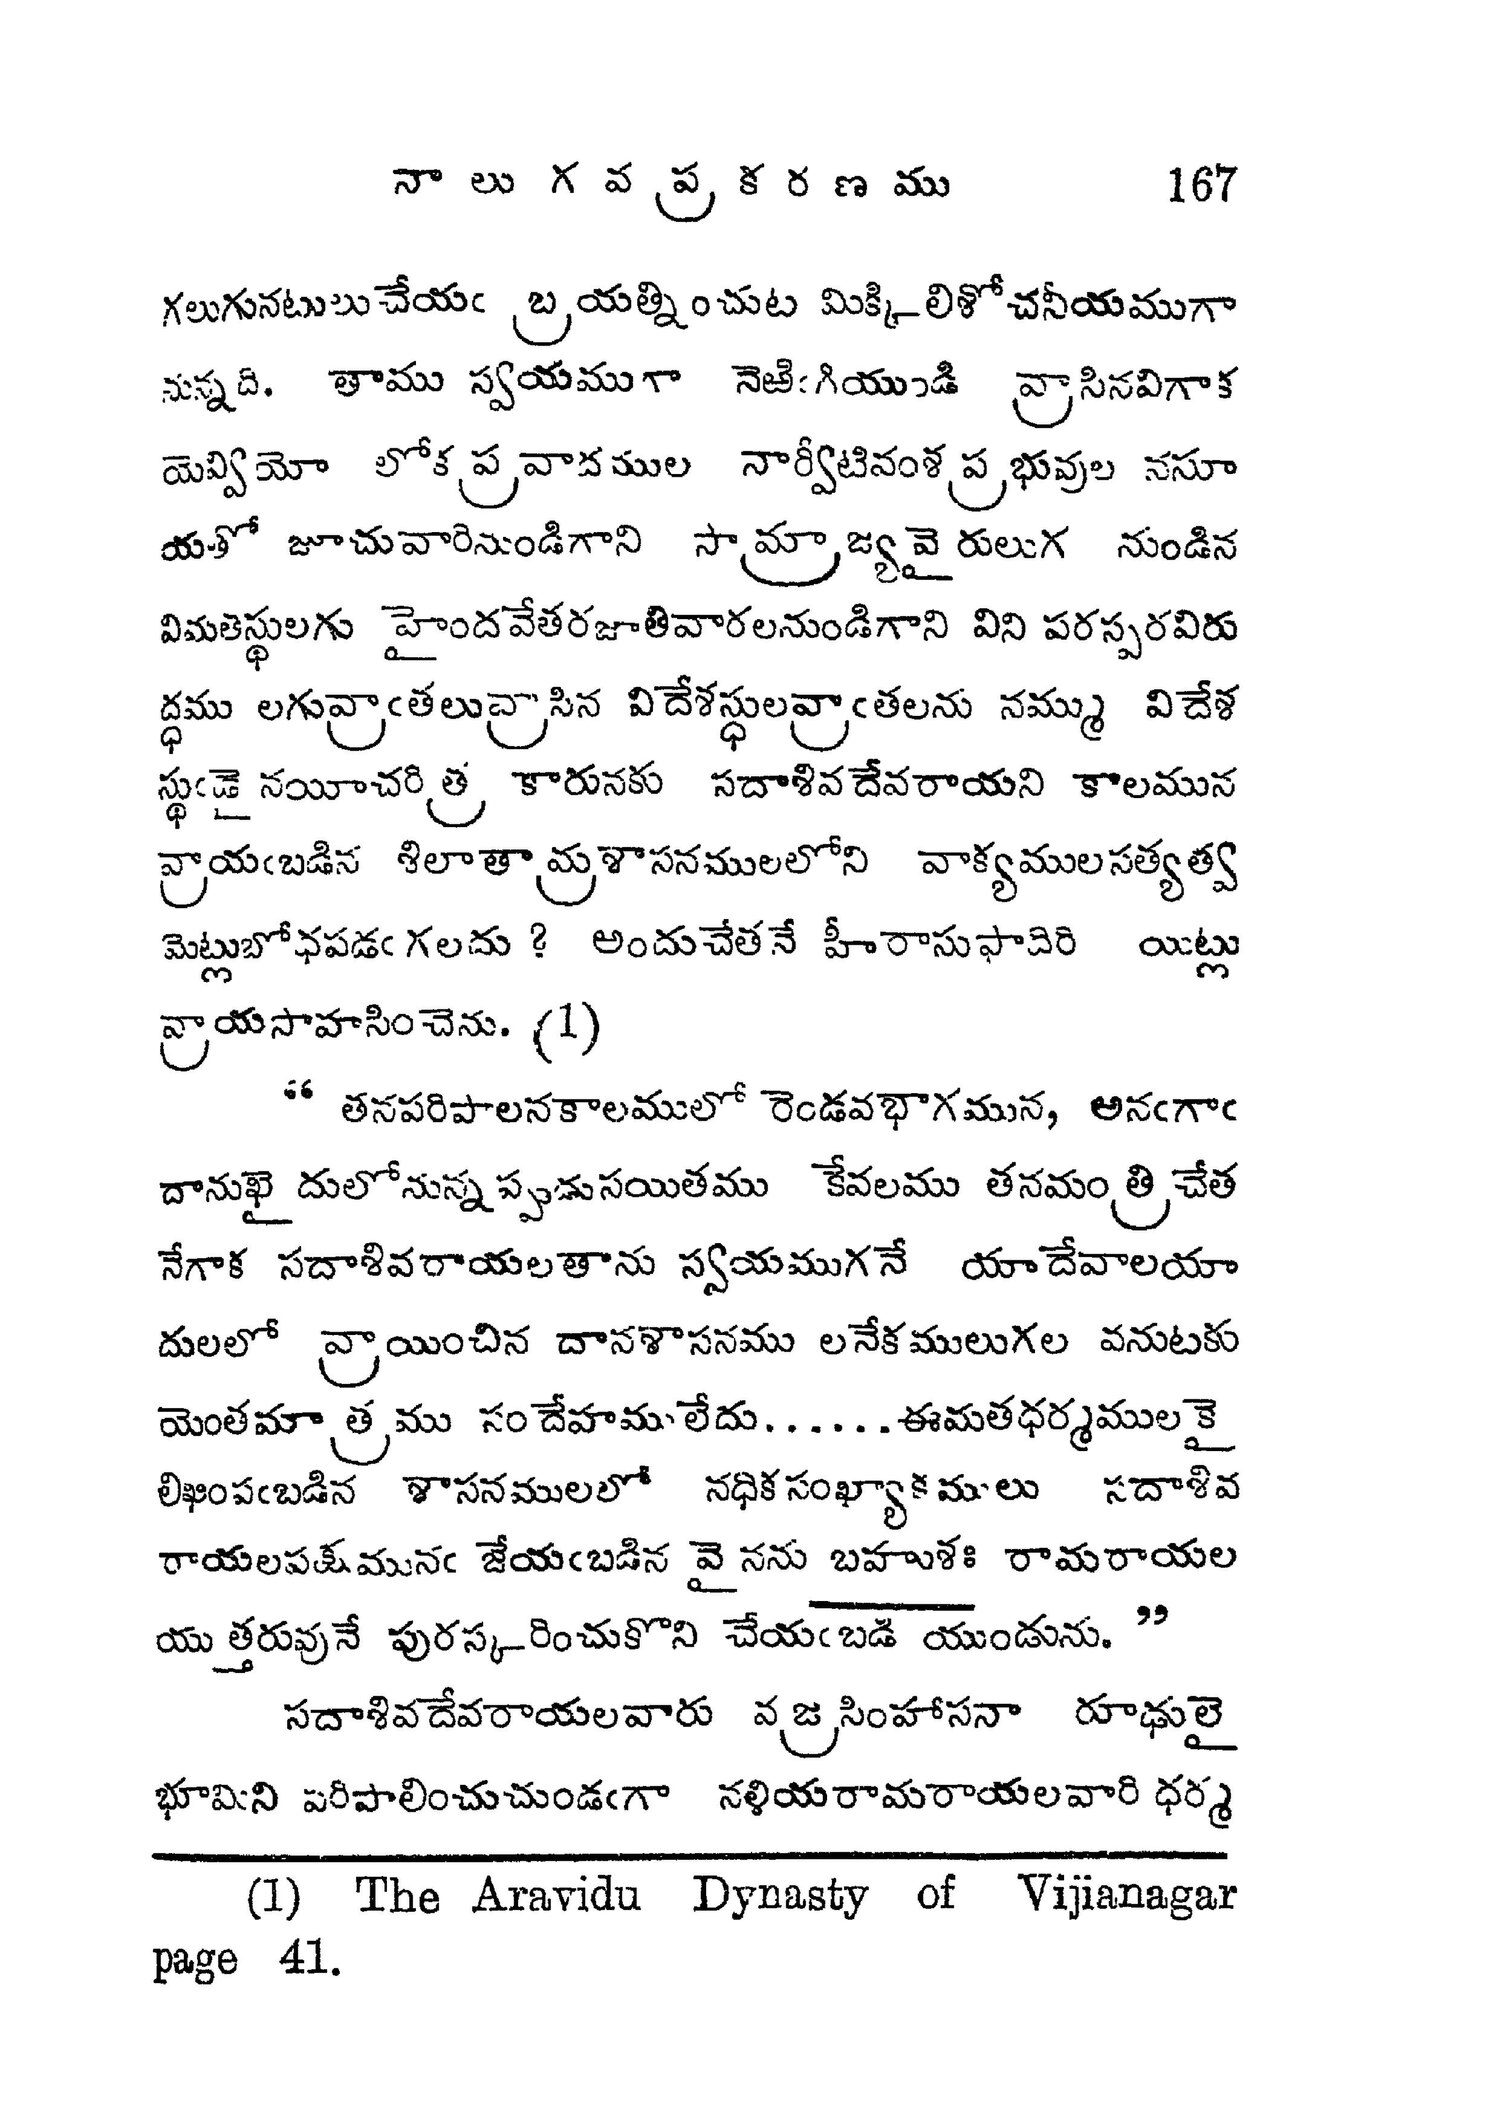గలుగునటులుచేయ బ్రయత్నించుట మిక్కిలిశోచనీయముగా నున్నది. తాము స్వయముగా నెఱిగియుండి వ్రాసినవిగాక యెవ్వియో లోకప్రవాదముల నార్వీటివంశప్రభువుల నసూయతో జూచువారినుండిగాని సామ్రాజ్యవైరులుగ నుండిన విమతస్థులగు హైందవేతరజాతివారలనుండిగాని విని పరస్పరవిరుద్ధము లగువ్రాతలువ్రాసిన విదేశస్థులవ్రాతలను నమ్ము విదేశస్థుడైనయీచరిత్ర కారునకు సదాశివదేవరాయని కాలమున వ్రాయబడిన శిలాతామ్రశాసనములలోని వాక్యములసత్యత్వమెట్లు బోధపడ గలదు ? అందుచేతనే హీరాసుఫాదిరి యిట్లు వ్రాయసాహసించెను. 

"తనపరిపాలనకాలములో రెండవభాగమున, అనగా దానుఖైదులోనున్నప్పుడుసయితము కేవలము తనమంత్రిచేతనేగాక సదాశివరాయలతాను స్వయముగనే యాదేవాలయాదులలో వ్రాయించిన దానశాసనము లనేకములుగల వనుటకు యెంతమాత్రము సందేహములేదు........ ఈమతధర్మములకై లిఖింపబడిన శాసనములలో నధికసంఖ్యాకములు సదాశివరాయలపక్షమున జేయబడిన వైనను బహుశ: రామరాయల యుత్తరువునే పురస్కరించుకొని చేయబడి యుండును."

సదాశివదేవరాయలవారు వజ్రసింహాసనా రూడులై భూమిని పరిపాలించుచుండగా నళియరామరాయలవారి ధర్మ